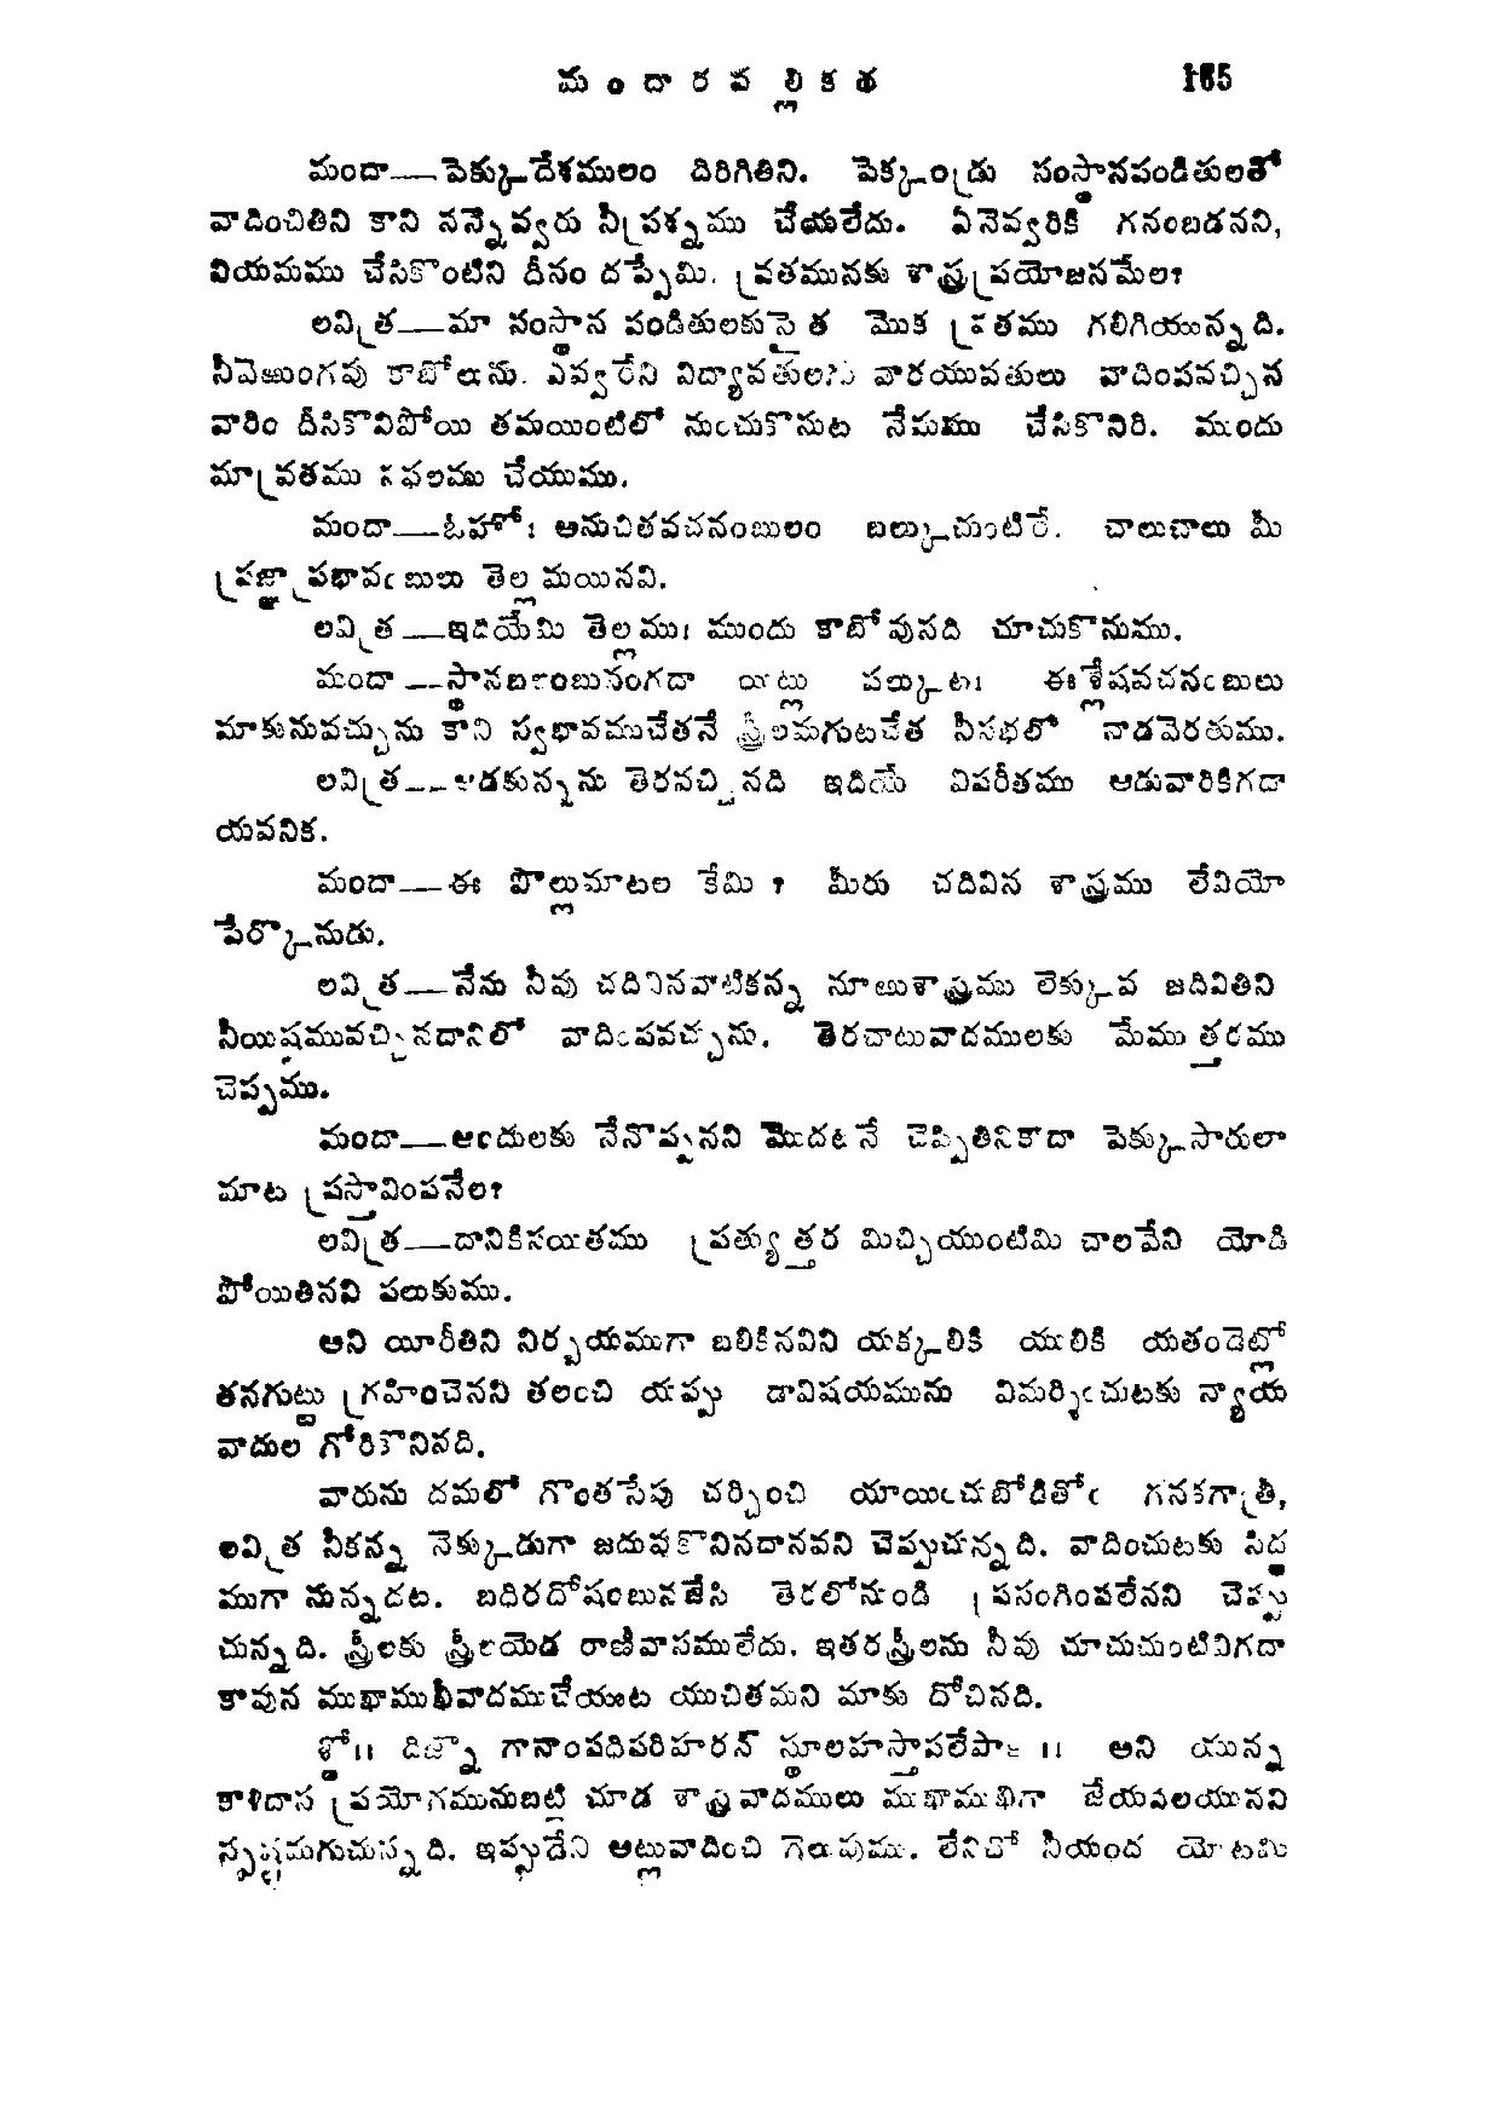మందా --- పెక్కుదేశములం దిరిగితిని. పెక్కండ్రు సంస్థానపండితులతో వాదించితిని కాని నన్నెవ్వరు నీప్రశ్నము చేయలేదు. ఏనెవ్వరికి గనంబడనని, నియమము చేసికొంటిని దీనం దప్పేమి. వ్రతమునకు శాస్త్రప్రయోజనమేల?

లవిత్ర - మా సంస్థాన పండితులకుసైత మొక వ్రతము గలిగియున్నది. నీవెఱుంగవు కాబోలును. ఎవ్వరేని విద్యావతులగు వారయువతులు వాదింపవచ్చిన వారిం దీసికొనిపోయి తమయింటిలో నుంచుకొనుట నేమము చేసికొనిరి. ముందు మావ్రతము సఫలము చేయుము.

మందా - ఓహో! అనుచితవచనంబులం బల్కుచుంటిరే. చాలుచాలు మీ ప్రజ్ఞాప్రభావంబులు తెల్ల మయినవి.

లవిత్ర - ఇదియేమి తెల్లము! ముందు కాబోవునది చూచుకొనుము.

మందా - స్థానబలంబునంగదా యిట్లు పల్కుట! ఈశ్లేషవచనంబులు మాకునువచ్చును కాని స్వభావముచేతనే స్త్రీలమగుటచేత నీసభలో నాడవెరతుము.

లవిత్ర -- ఆడకున్నను తెరవచ్చినది ఇదియే విపరీతము ఆడువారికిగదా యవనిక.

మందా - ఈ పొల్లుమాటల కేమి ? మీరు చదివిన శాస్త్రము లేవియో పేర్కొనుడు.

లవిత్ర - నేను నీవు చదివినవాటికన్న నూఱుశాస్త్రము లెక్కువ జదివితిని నీయిష్టమువచ్చినదానిలో వాదింపవచ్చును. తెరచాటువాదములకు మేముత్తరము చెప్పము.

మందా - అందులకు నేనొప్పనని మొదటనే చెప్పితినికాదా పెక్కుసారులా మాట ప్రస్తావింపనేల?

లవిత్ర - దానికిసయితము ప్రత్యుత్తర మిచ్చియుంటిమి చాలవేని యోడిపోయితినని పలుకుము.

అని యీరీతిని నిర్భయముగా బలికిన విని యక్కలికి యులికి యతండెట్లో తనగుట్టు గ్రహించెనని తలంచి యప్పు డావిషయమును విమర్శించుటకు న్యాయవాదుల గోరికొనినది.

వారును దమలో గొంతసేపు చర్చించి యాయించుబోడితోఁ గనకగాత్రీ, లవిత్ర నీకన్న నెక్కుడుగా జదువుకొనినదానవని చెప్పుచున్నది. వాదించుటకు సిద్దముగా నున్నదట. బధిరదోషంబునజేసి తెరలోనుండి ప్రసంగింపలేనని చెప్పుచున్నది. స్త్రీలకు స్త్రీలయెడ రాణివాసములేదు. ఇతరస్త్రీలను నీవు చూచుచుంటివిగదా కావున ముఖాముఖీవాదముచేయుట యుచితమని మాకు దోచినది.

శ్లో॥ దిజ్నౌ గానాంపదిపరిహరన్ స్థూలహస్తాపలేపాన్ ॥ అని యున్న కాళిదాస ప్రయోగమునుబట్టి చూడ శాస్త్రవాదములు ముఖాముఖిగా జేయవలయునని స్పష్టమగుచున్నది. ఇప్పుడేని అట్లువాదించి గెలువుము. లేనిచో నీయంద యోటమి